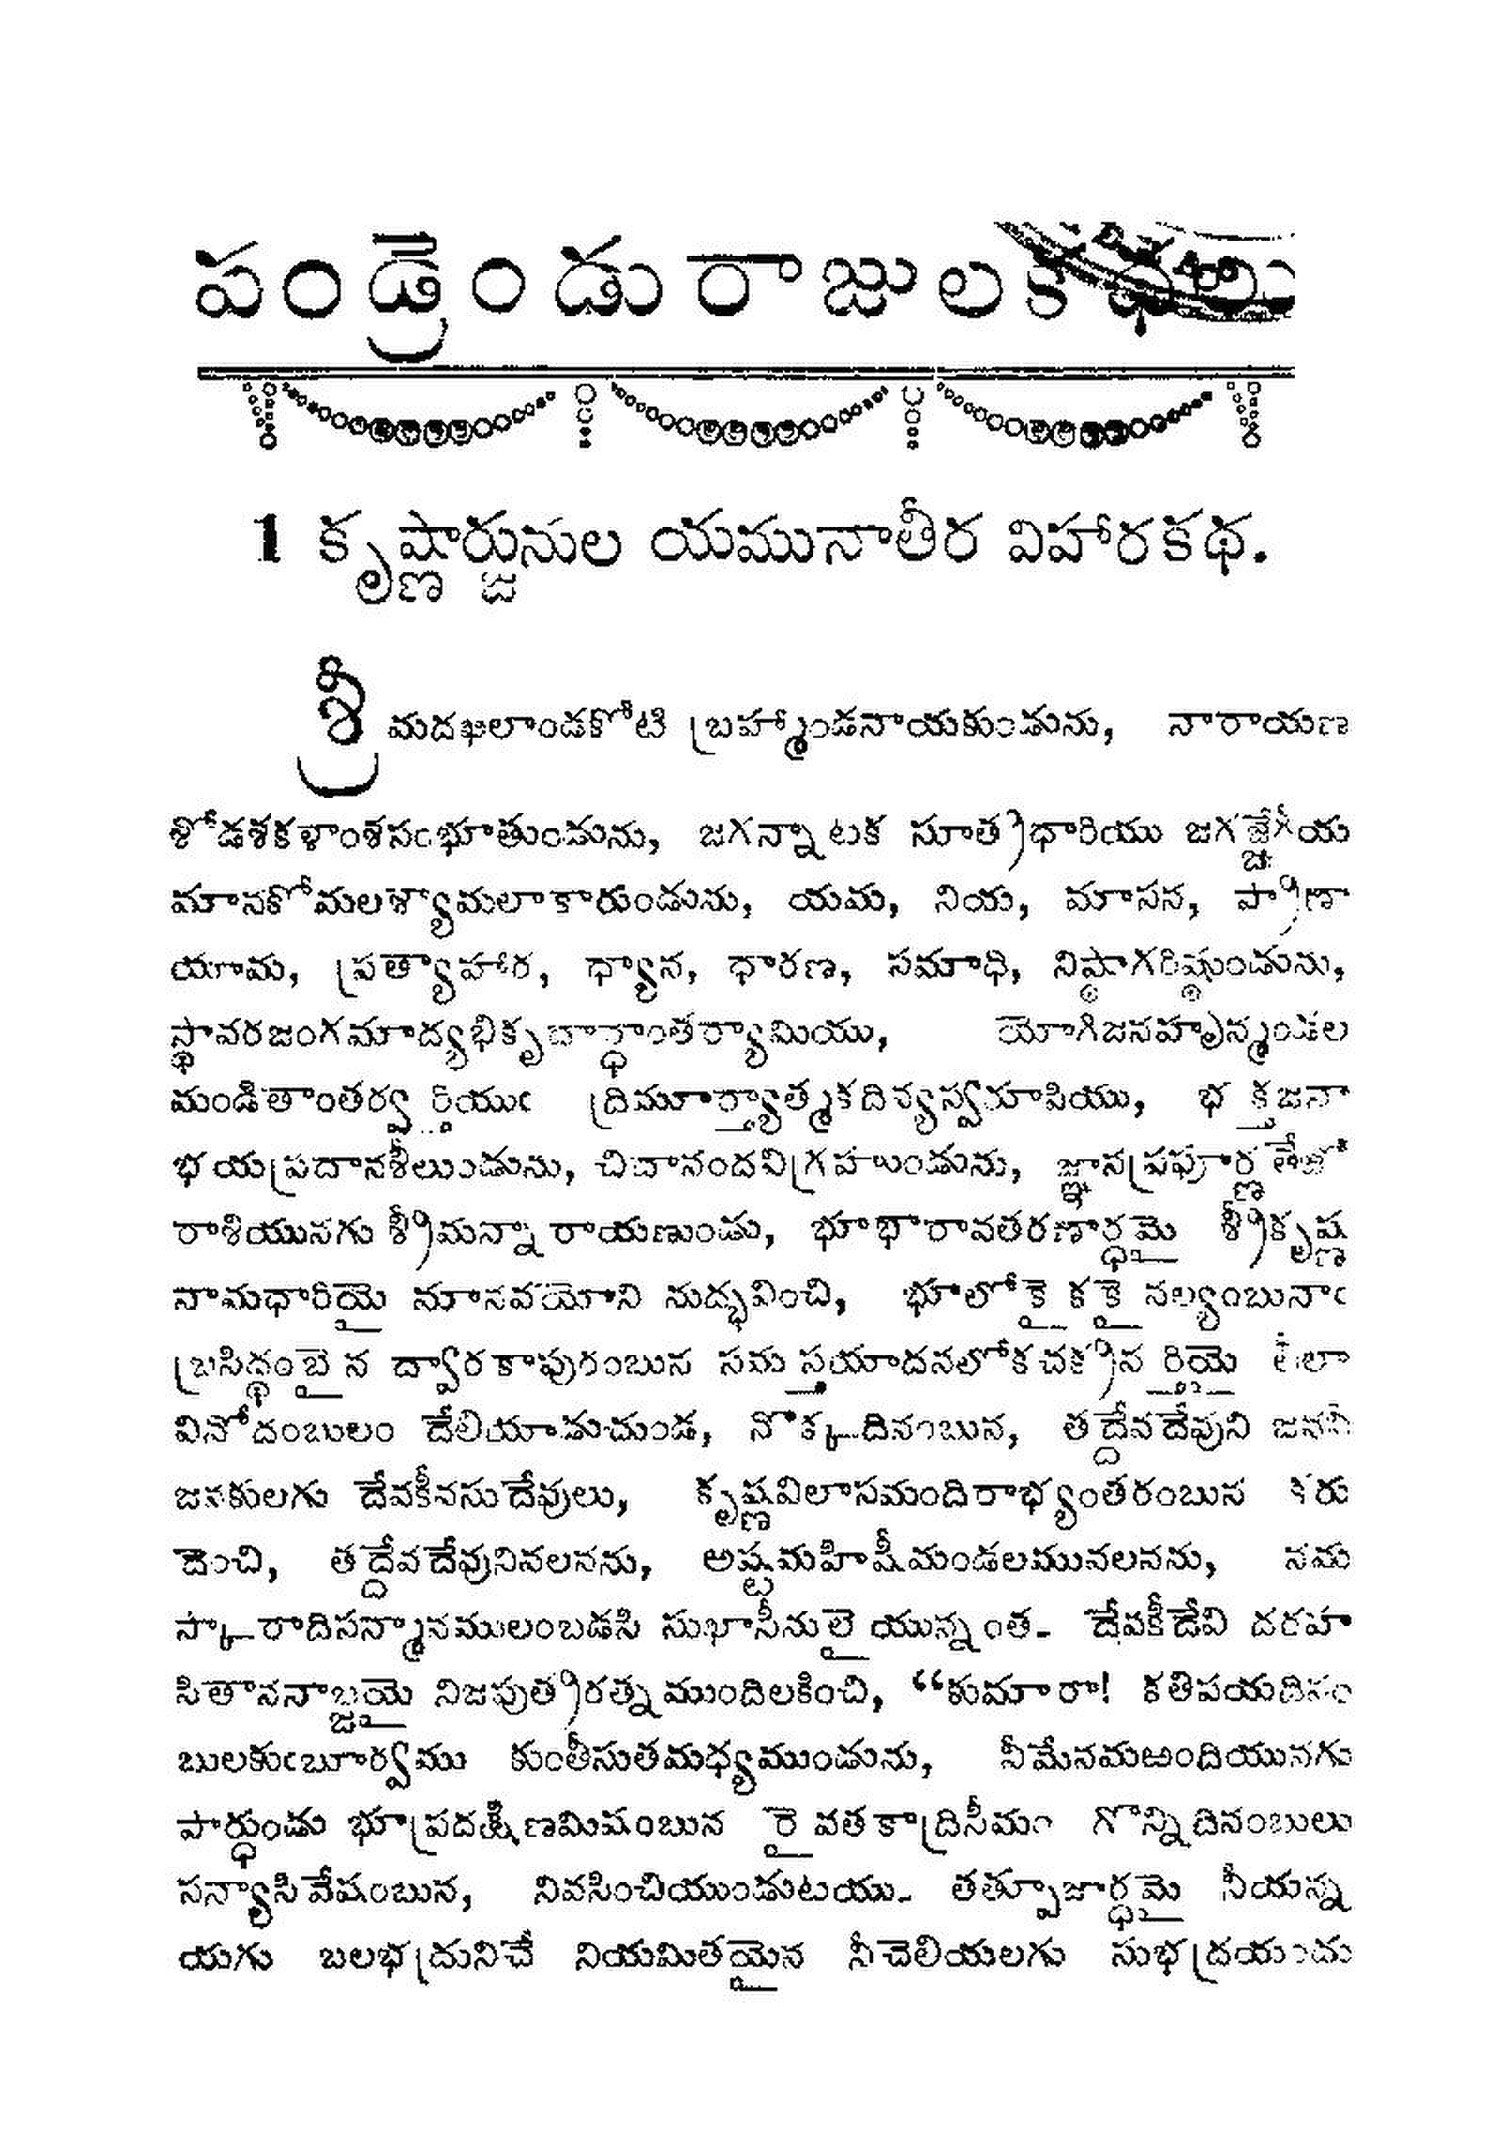1 కృష్ణార్జునుల యమునాతీర విహారకథ.

మదఖిలాండకోటి బ్రహ్మాండనాయకుడును, నారాయణ శోడశకళాంశసంభూతుండును, జగన్నాటక సూత్రధారియు జగజ్జేగీయమానకోమలశ్యామలాకారుండును, యమ, నియ, మాసన, ప్రాణాయామ, ప్రత్యాహార, ధ్యాన, ధారణ, సమాధి, నిష్ఠాగరిష్ఠుండును, స్థావరజంగమాద్యభికృదార్ధాంతర్యామియు, యోగిజనహృన్మండల
మండితాంతర్వర్తియుఁ ద్రిమూర్త్యాత్మకదివ్యస్వరూపియు, భక్తజనాభయప్రదానశీలుడుసు, చిదానంద విగ్రహుండును, జ్ఞానప్రపూర్ణతేజోరాశియునగు శ్రీమన్నారాయణుండు, భూభారావతరణార్ధమై శ్రీకృష్ణ నామధారియై మానవయోని నుద్భవించి, భూలోకై కకైవల్యంబునాఁ బ్రసిద్ధంబైన ద్వారకాపురంబున సమస్తయాదవలోక చక్రవర్తియై లీలావినోదంబులం దేలియుండుచుండ, నొక్కదినంబున, తద్దేవదేవుని జననీ జనకులగు దేవకీవసుదేవులు, కృష్ణవిలాసమందిరాభ్యంతరంబున కరుదెంచి, తద్దేవ దేవునివలనను, అష్టమహిషీమండలమునలనను, నమస్కారాది సన్మానములంబడసి సుఖాసీనులై యున్నంత. దేవకీదేవి దరహాసితాననాబ్జయై నిజపుత్రరత్నముందిలకించి, "కుమారా! కతిపయదినంబులకుఁ బూర్వము కుంతీసుత మధ్యముండును, నీమేనమఱందియునగు
పార్ధుండు భూప్రదక్షిణమిషంబున రైవత కాద్రిసీమం గొన్ని దినంబులు
సన్యాసి వేషంబున, నివసించియుండుటయు. తత్పూజార్ధమై నీయన్న
యగు బలభద్రునిచే నియమితయైన నీ చెలియలగు సుభద్రయందు